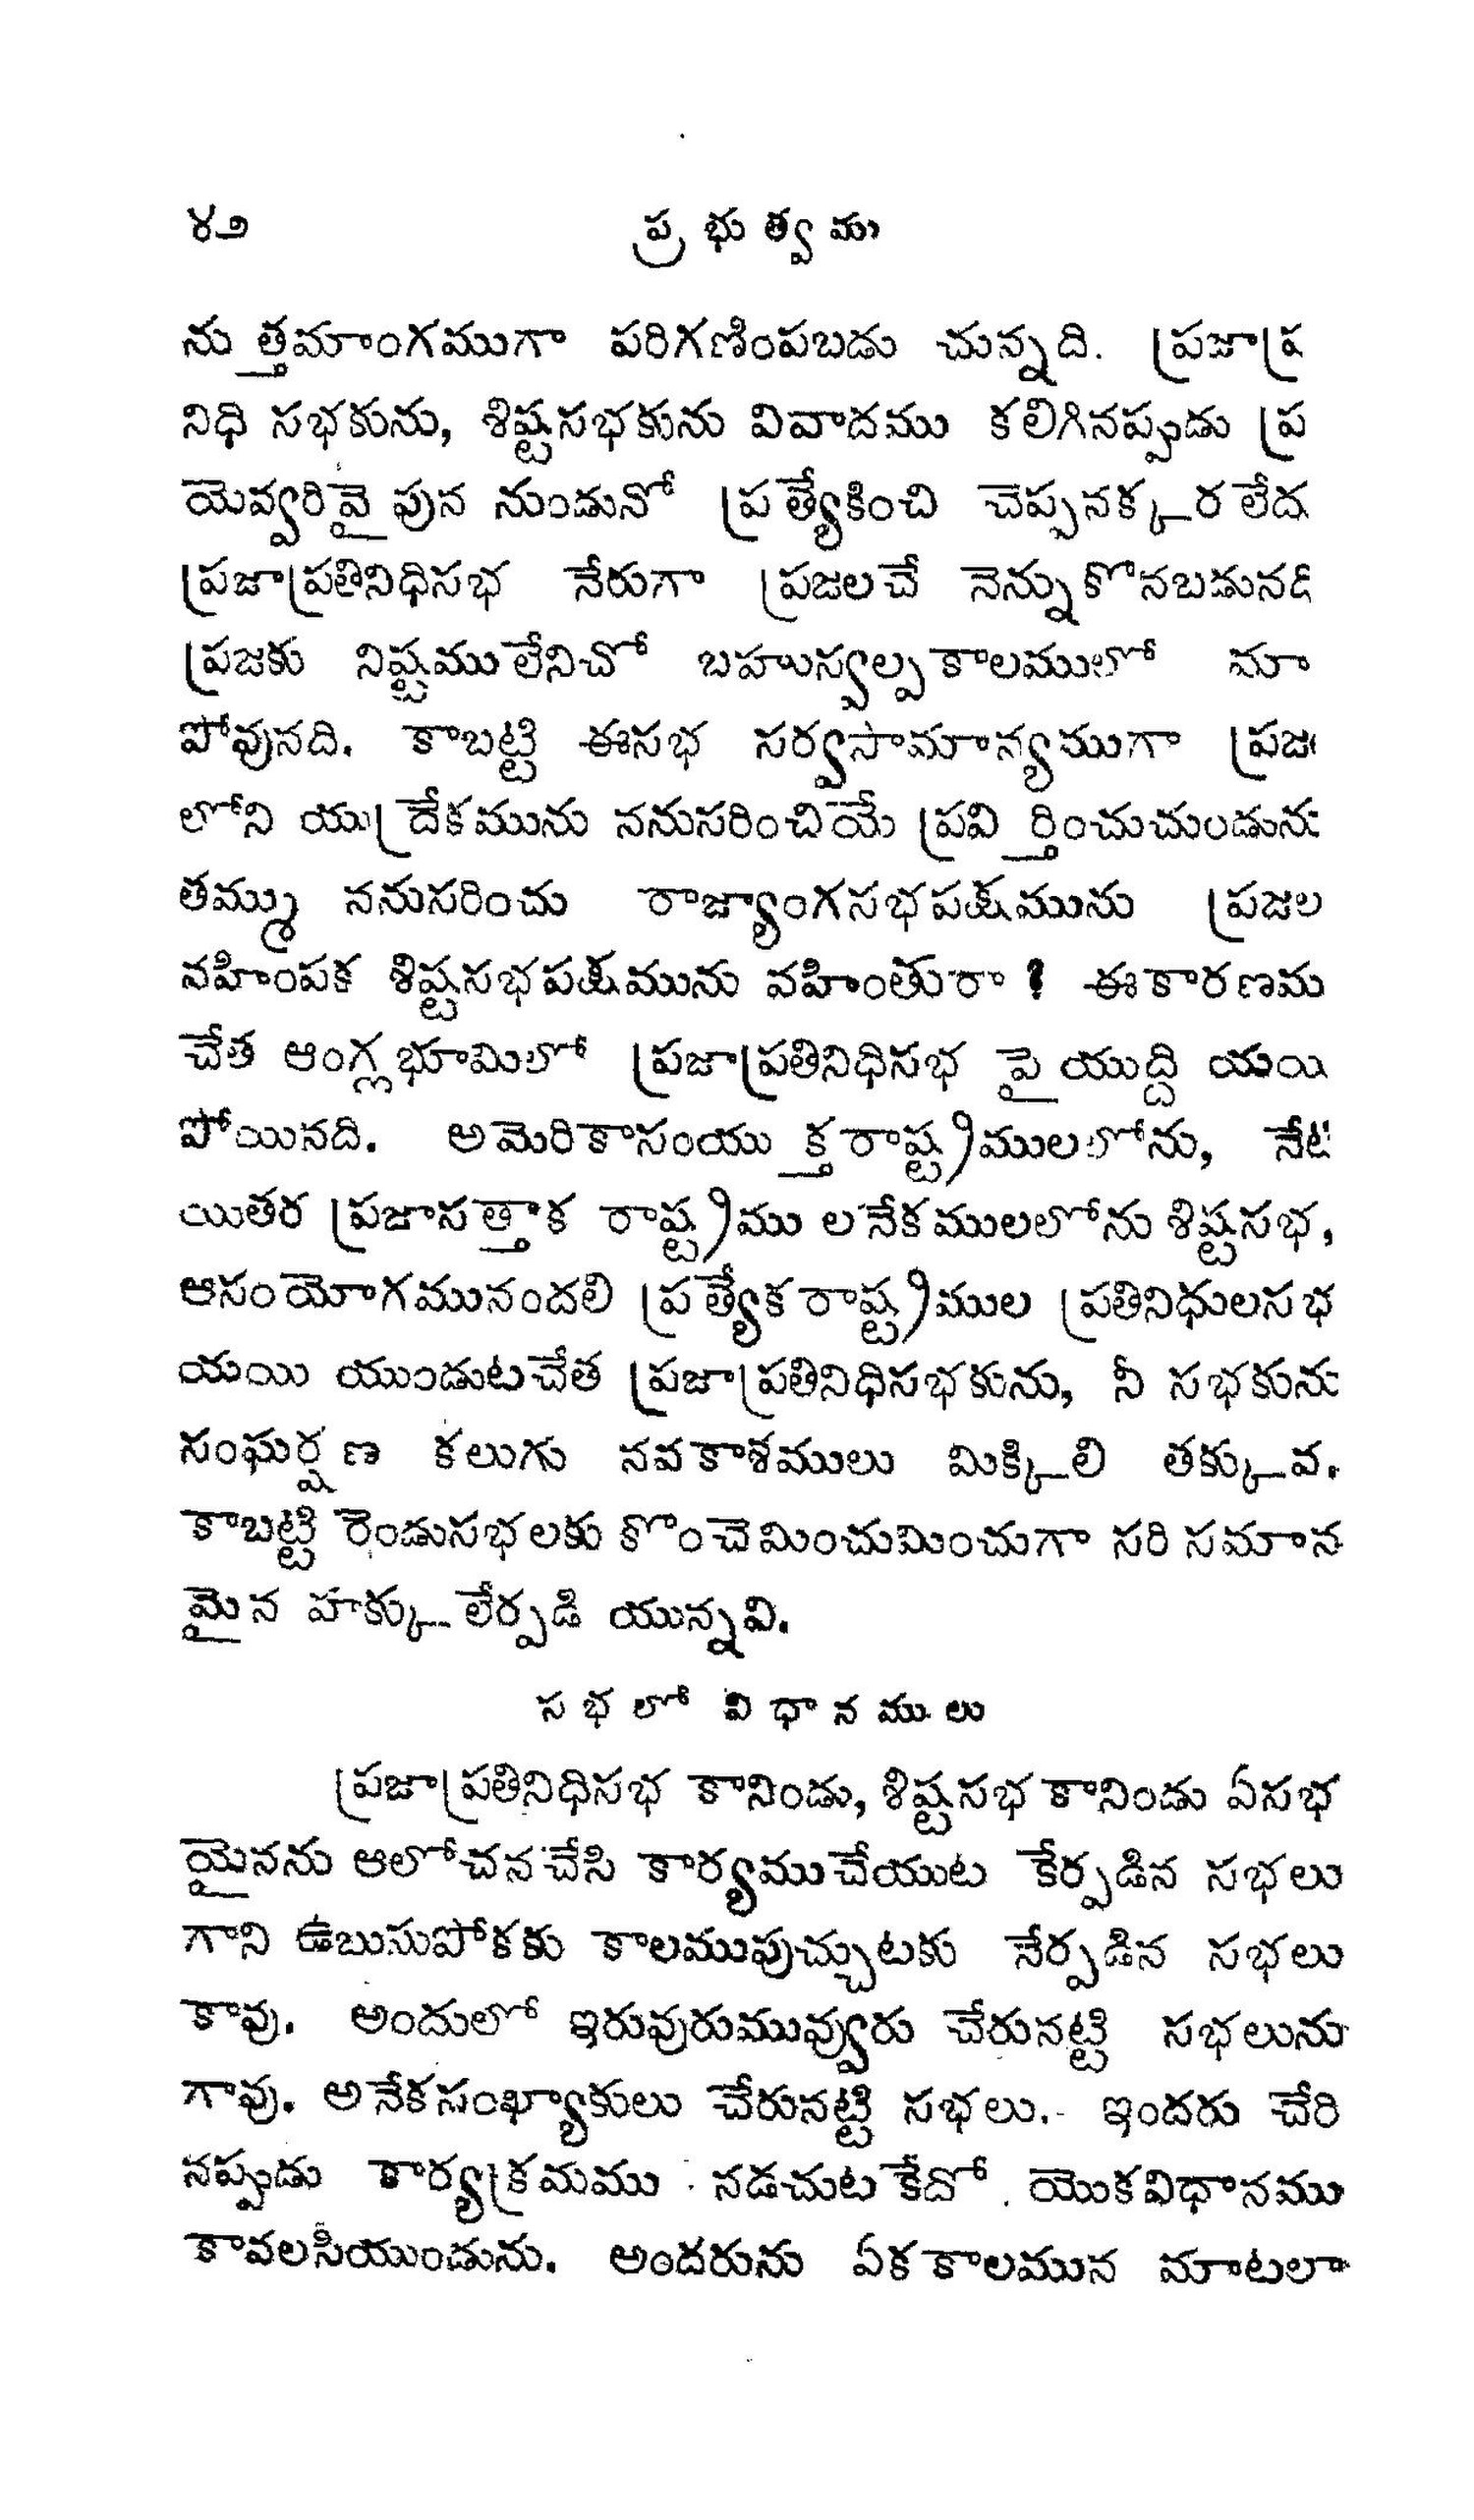నుత్తమాంగముగా పరిగణింపబడు చున్నది. ప్రజాప్రతినిధి సభకును, శిష్టసభకును వివాదము కలిగినప్పుడు ప్రజలు యెవ్వరివైపున నుండునో ప్రత్యేకించి చెప్పనక్కరలేదు ప్రజాప్రతినిధిసభ నేరుగా ప్రజలచే నెన్నుకొనబడునది ప్రజకు నిష్టములేనిచో బహుస్వల్ప కాలములో మారి పోవునది. కాబట్టి ఈసభ సర్వసామాన్యముగా ప్రజలలోని యుద్రేకమును ననుసరించియే ప్రవిర్తించుచుండును
తమ్ము ననుసరించు రాజ్యాంగసభపక్షమును ప్రజల వహింపక శిష్టసభపక్షమును వహింతురా ? ఈకారణముచేత ఆంగ్లభూమిలో ప్రజాప్రతినిధిసభ పై యుద్ధి యయి పోయినది. అమెరికాసంయు క్త రాష్ట్రములలోను, నేటి యితర ప్రజాసత్తాక రాష్ట్రము లనేకములలోను శిష్టసభ, ఆసంయోగము నందలి ప్రత్యేకరాష్ట్రముల ప్రతినిధులసభ యయి యుండుటచేత ప్రజాప్రతినిధిసభకును, నీ సభకును సంఘర్షణ కలుగు నవకాశములు మిక్కిలి తక్కువ. కాబట్టి రెండుసభలకు కొంచె మించుమించుగా సరి సమానమైన హక్కు లేర్పడి యున్నవి.

ప్రజాప్రతినిధిసభ కానిండు, శిష్టసభ కానిండు ఏసభ యైనను ఆలోచనచేసి కార్యముచేయుట కేర్పడిన సభలుగాని ఉబుసుపోకకు కాలముపుచ్చుటకు నేర్పడిన సభలు కావు. అందులో ఇరువురుమువ్వురు చేరునట్టి సభలును గావు. అనేక సంఖ్యాకులు చేరునట్టి సభలు. ఇందరు చేరినప్పుడు కార్యక్రమము నడచుటకేదో, యొకవిధానము కావలసియుండును. అందరును ఏకకాలమున మాటలా